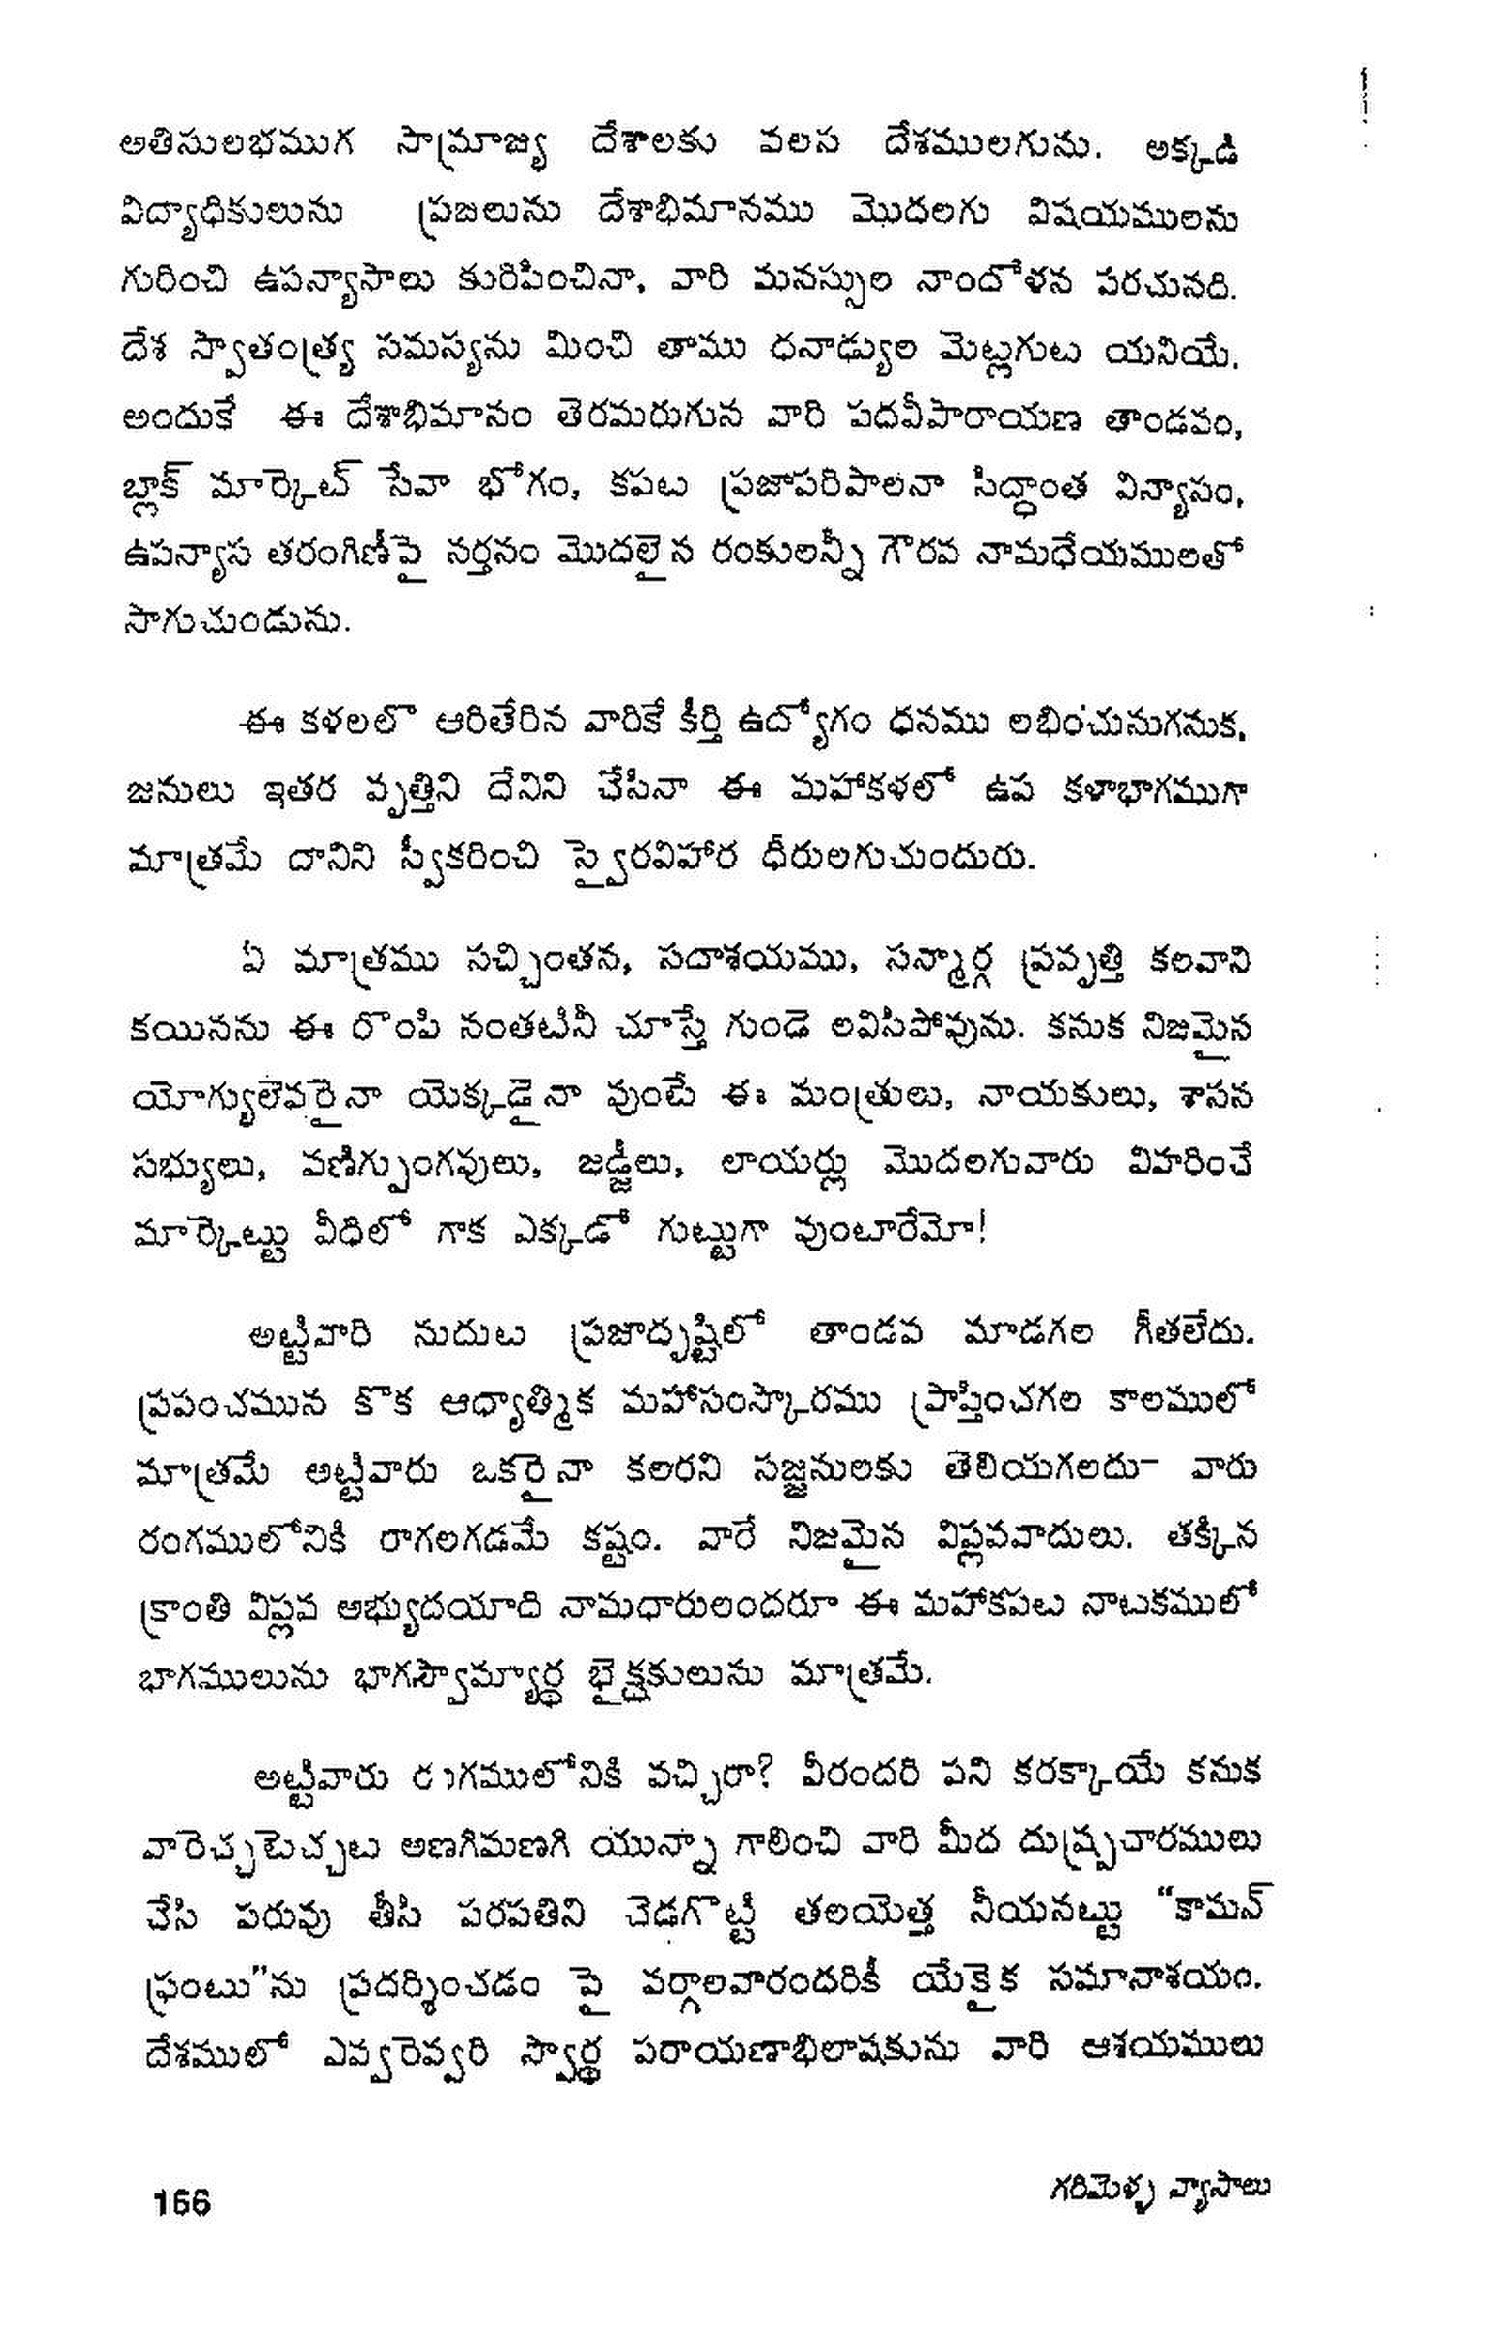అతిసులభముగ సామ్రాజ్య దేశాలకు వలస దేశములగును. అక్కడి విద్యాధికులును ప్రజలును దేశాభిమానము మొదలగు విషయములను గురించి ఉపన్యాసాలు కురిపించినా, వారి మనస్సుల నాందోళన పరచునది, దేశ స్వాతంత్ర్య సమస్యను మించి తాము ధనాడ్యుల మెట్లగుట యనియే. అందుకే ఈ దేశాభిమానం తెరమరుగున వారి పదవీపారాయణ తాండవం, బ్లాక్ మార్కెట్ సేవా భోగం, కపట ప్రజాపరిపాలనా సిద్ధాంత విన్యాసం, ఉపన్యాస తరంగిణీపై నర్తనం మొదలైన రంకులన్నీ గౌరవ నామధేయములతో సాగుచుండును.

ఈ కళలలో ఆరితేరిన వారికే కీర్తి ఉద్యోగం ధనము లభించునుగనుక, జనులు ఇతర వృత్తిని దేనిని చేసినా ఈ మహాకళలో ఉప కళాభాగముగా మాత్రమే దానిని స్వీకరించి స్వైరవిహార ధీరులగుచుందురు.

ఏ మాత్రము సచ్చింతన, సదాశయము, సన్మార్గ ప్రవృత్తి కలవాని కయినను ఈ రొంపి నంతటినీ చూస్తే గుండె లవిసిపొవును. కనుక నిజమైన యోగ్యులెవరైనా యెక్కడైనా వుంటే ఈ మంత్రులు, నాయకులు, శాసన సభ్యులు, వణిగ్పుంగవులు, జడ్జీలు, లాయర్లు మొదలగువారు విహరించే మార్కెట్టు వీధిలో గాక ఎక్కడో గుట్టుగా వుంటారేమో!

అట్టివారి నుదుట ప్రజాదృష్టిలో తాండవ మాడగల గీతలేదు. ప్రపంచమున కొక ఆధ్యాత్మిక మహాసంస్కారము ప్రాప్తించగల కాలములో మాత్రమే అట్టివారు ఒకరైనా కలరని సజ్జనులకు తెలియగలదు. వారు రంగములోనికి రాగలగడమే కష్టం. వారే నిజమైన విప్లవవాదులు. తక్కిన క్రాంతి విప్లవ అభ్యుదయాది నామధారులందరూ ఈ మహాకపట నాటకములో భాగములును భాగస్వామ్యార్థ భైక్షకులును మాత్రమే.

అట్టివారు రంగములోనికి వచ్చిరా? వీరందరి పని కరక్కాయే కనుక వారెచ్చటెచ్చట అణగిమణగి యున్నా గాలించి వారి మీద దుష్ప్రచారములు చేసి పరువు తీసి పరపతిని చెడగొట్టి తలయెత్త నీయనట్టు "కామన్ ఫ్రంటు"ను ప్రదర్శించడం పై వర్గాలవారందరికీ యేకైక సమానాశయం. దేశములో ఎవ్వరెవ్వరి స్వార్థ పరాయణాభిలాషకును వారి ఆశయములు